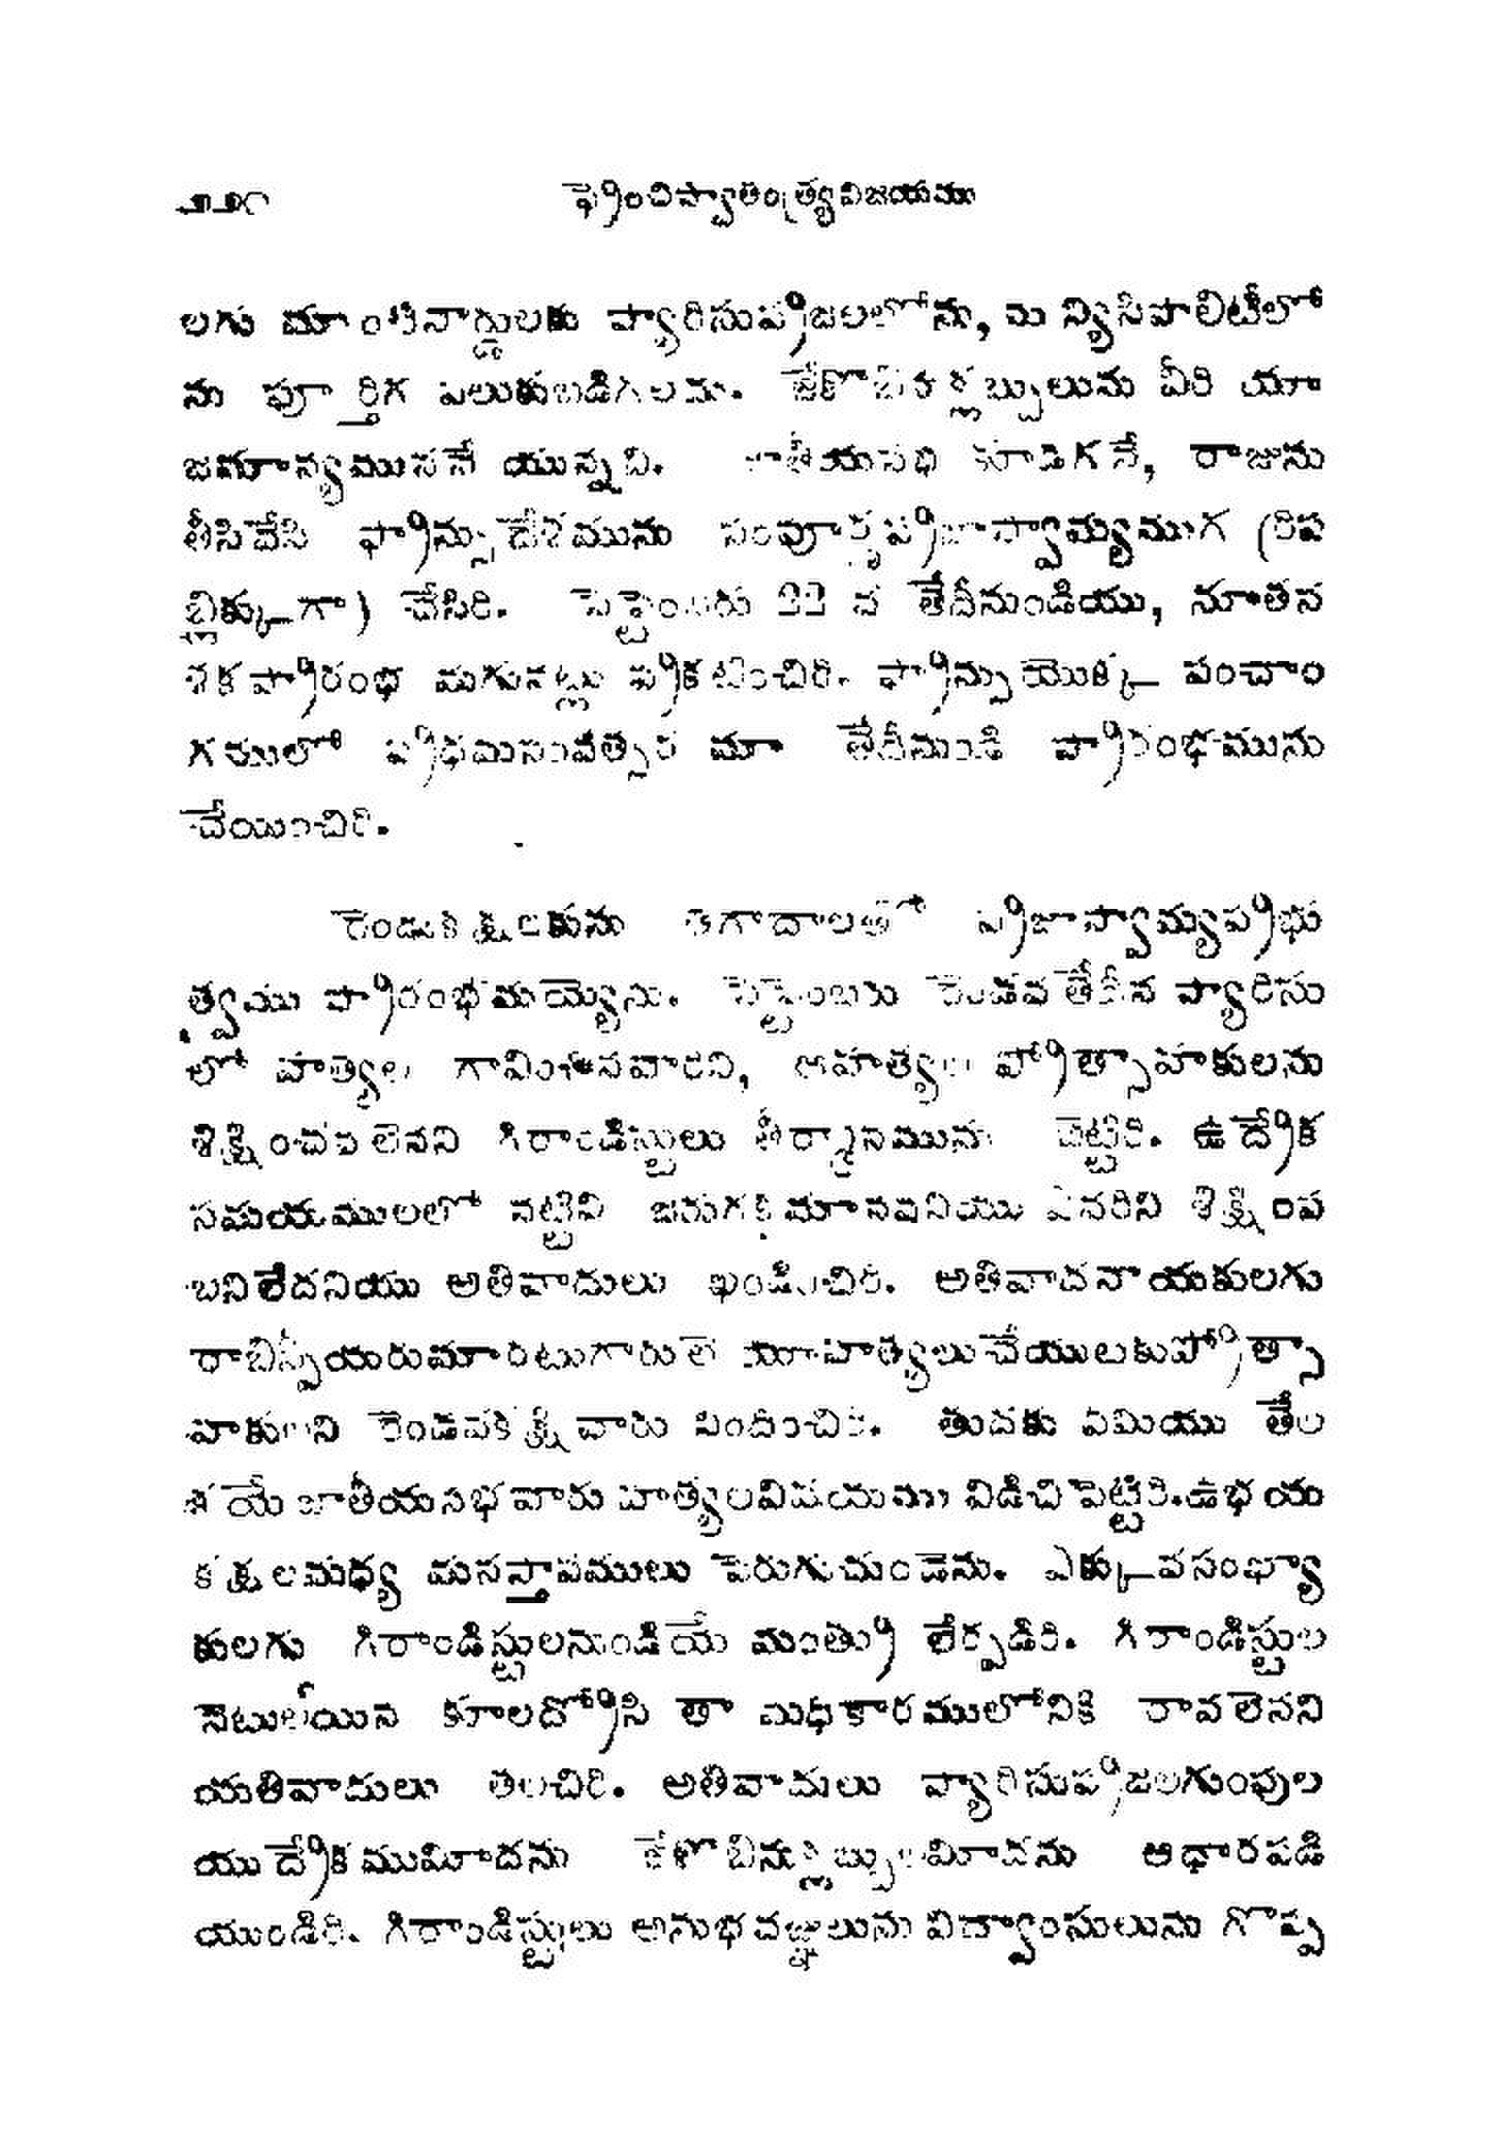లగు మాంటి నార్డులకు ప్యారిసుప్రజలలోను, మ్యుని సిపాలిటీలో
సు పూర్తిగా పలుకు బడి గలదు. జెకోబిన్ క్లబ్బులును వీరి యా
జమాన్యముననే యున్నవి. జాతీయ సభ కూడగనే, రాజును
తీసి వేసి ఫ్రాన్సు దేశమును సంపూర్ణప్రజాస్వామ్యముగ (రిపబ్లిక్కుగా) 
చేసిరి. సెప్టెంబరు 22 వ తేదీనుండియు, నూతన
శకప్రారంభ మగునట్లు ప్రకటించిరి. ఫ్రాంన్సు యొక్క పంచాం
గములో ప్రధమ సంవత్సర మా తేదీనుండి. ప్రాంభ ముసు
చేయించిరి.

రెండు కక్షల కును తగాదాలతో ప్రజాస్వామ్య ప్రభు
త్వము ప్రారంభమయ్యెను. ఈ రెండవ తేదీన ప్యారిసు
లో హత్యల, గావించిన వారిని ఆత్మ హత్యల ప్రోత్సాహకులను
శిక్షించ వలెనని 'రాండిస్టులు తీర్మానమున బెట్టిరి. ఉద్రేక
'సమయములలో నట్టివి .జారుగక మానవనియు ఎవరిని శిక్షింప
"బనిలేదనియు అతివాదులు ఖండించిరి. అతివాదనాయకులగు
రాబిస్పయరుమారటుగారులె హత్యలు చేయుటకు పోత్సా
హకులని రెండవకక్షి వారు నిందించిరి. తుదకు ఏమియు తేల
కయే జాతీయసభ వారు హత్య లవిషయము విడిచి పెట్టిరి. ఉభయ
కక్షల మధ్య మనస్తాపములు పెరుగుచుండెను. ఎక్కువసంఖ్యా
కులగు గిరాండిస్టులనుండియే మంత్రు లేర్పడిరి. గిరాండిస్టు
నెటులయిన కూలదోసి తా మథికారములోనికి రావలెనని
యతివాదులు తలంచిరి. అతి వాదులు ప్యారిసు ప్రజలుగుంపుల
యుద్రేకము మీదను - జెకోబిను క్లబ్బు మీదను ఆధారపడి
యుండిరి, గిడాండిస్టులు అనుభవజ్ఞులును విద్వాంసులును గొప్ప